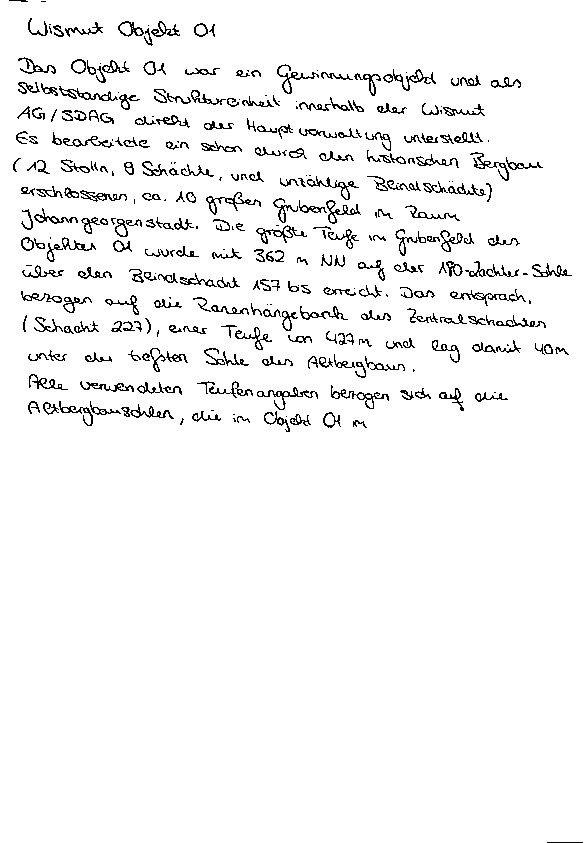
Wismut Objekt 01
Das Objekt 01 war ein Gewinnungsobjekt und als
selbständige Struktureinheit innerhalb der Wismut
AG/SDAG direkt der Hauptverwaltung unterstellt
Es bearbeitete ein schon durch den historischen Bergbau
(12 Stolln, 9 Schächte, und unzählige Blindschächte)
erschlossenes, ca. 10 großes Grubenfeld im Raum
Johanngeorgenstadt. Die größte Teufe im Grubenfeld des
Objektes 01 wurde mit 362 m NN auf der 180-Lachter-Sohle
über den Blindschacht 157bis erreicht. Das entsprach,
bezogen auf die Rasenhängebank des Zentralschachtes
(Schacht 227), einer Teufe von 427 m und lag damit 40 m
unter der tiefsten Sohle des Altbergbaus.
Alle verwendeten Teufenangaben bezogen sich auf
Altbergbausohlen, die im Objekt 01 im
